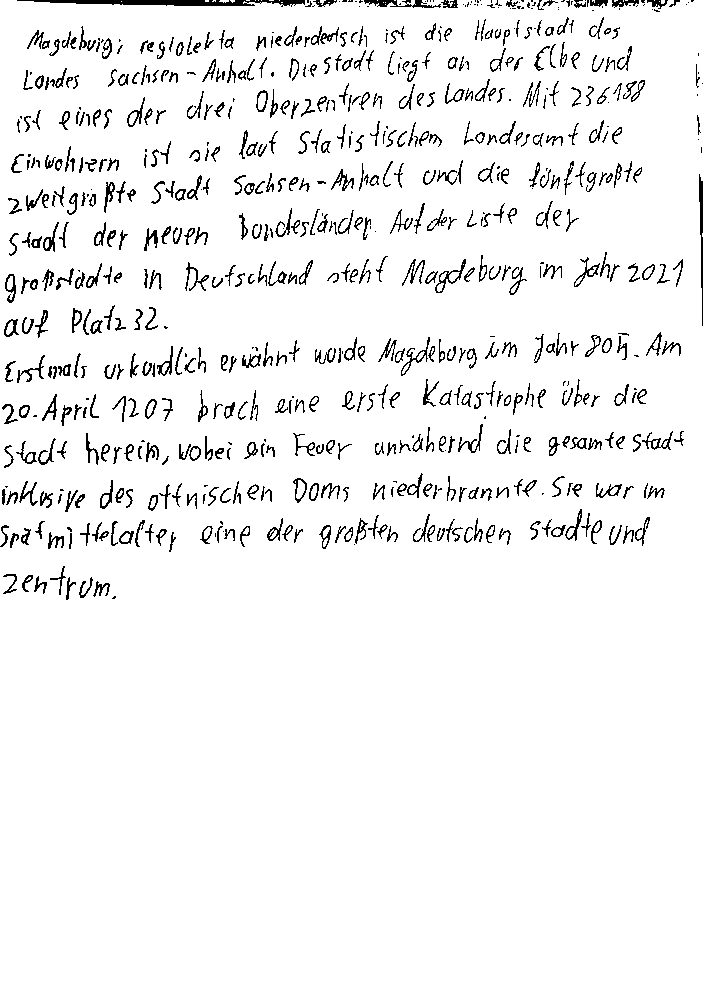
Magdeburg ; regiolektal niederdeutsch ist die Hauptstadt des
Landes Sachsen-Anhalt. Die Stadt liegt an der Elbe und
ist eines der drei Oberzentren des Landes. Mit 236.188
Einwohnern ist sie laut Statistischem Landesamt die
zweitgrößte Stadt Sachsen-Anhalts und die fünftgrößte
Stadt der neuen Bundesländer. Auf der Liste der
Großstädte in Deutschland steht Magdeburg im Jahr 2021
auf Platz 32.
Erstmals urkundlich erwähnt wurde Magdeburg im Jahr 805. Am
20. April 1207 brach eine erste Katastrophe über die
Stadt herein, wobei ein Feuer annähernd die gesamte Stadt
inklusive des ottonischen Doms niederbrannte. Sie war im
eine der größten deutschen Städte und
Zentrum
